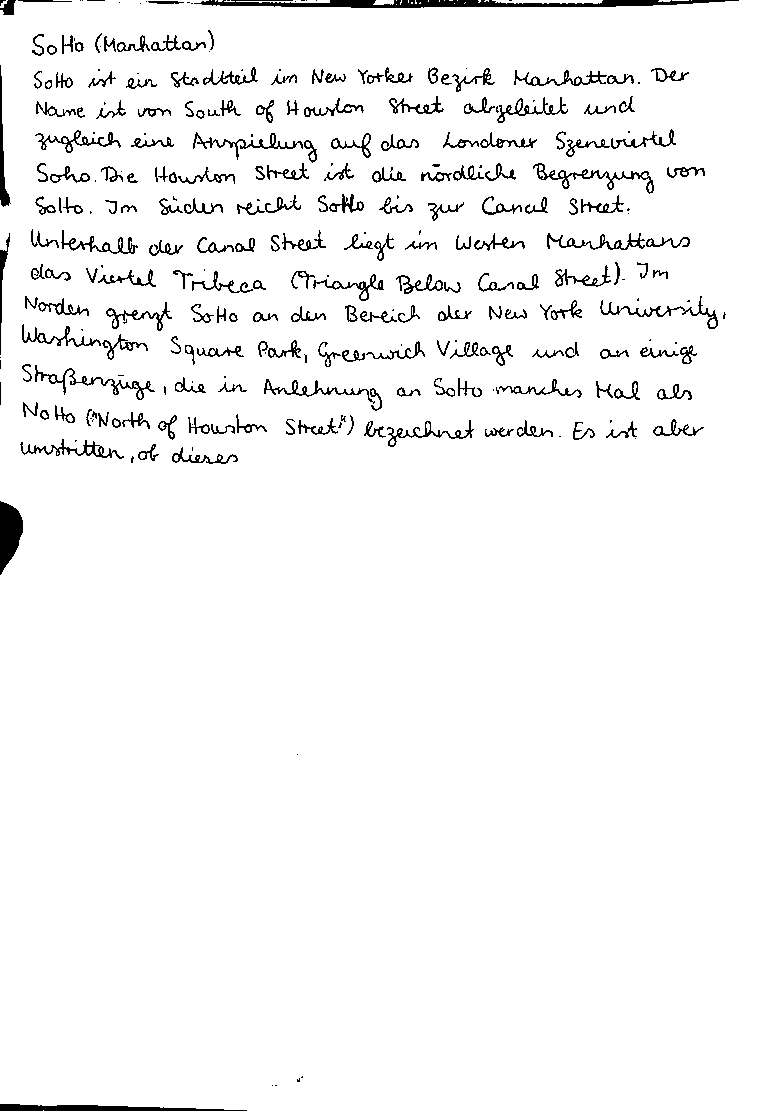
SoHo (Manhattan)
SoHo ist ein Stadtteil im New Yorker Bezirk Manhattan. Der
Name ist von South of Houston Street abgeleitet und
zugleich eine Anspielung auf das Londoner Szeneviertel
Soho. Die Houston Street ist die nördliche Begrenzung von
SoHo. Im Süden reicht SoHo bis zur Canal Street.
Unterhalb der Canal Street liegt im Westen Manhattans
das Viertel Tribeca (Triangle Below Canal Street). Im
Norden grenzt SoHo an den Bereich der New York University,
Washington Square Park, Greenwich Village und an einige
Straßenzüge, die in Anlehnung an SoHo manches Mal als
NoHo ("North of Houston Street") bezeichnet werden. Es ist aber
umstritten, ob dieses
